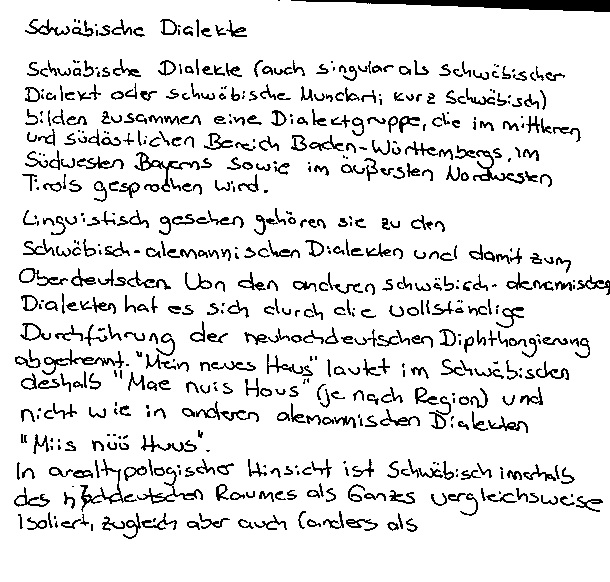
Schwäbische Dialekte
Schwäbische Dialekte (auch singular als schwäbischer
Dialekt oder schwäbische Mundart; kurz Schwäbisch)
bilden zusammen eine Dialektgruppe, die im mittleren
und südöstlichen Bereich Baden-Württembergs, im
Südwesten Bayerns sowie im äußersten Nordwesten
Tirols gesprochen wird.
Linguistisch gesehen gehören sie zu den
schwäbisch- alemannischen Dialekten und damit zum
Oberdeutschen. Von den anderen schwäbisch-alemannischen
Dialekten hat es sich durch die vollständige
Durchführung der neuhochdeutschen Diphthongierung
abgetrennt. "Mein neues Haus" lautet im Schwäbischen
deshalb "Mae nuis Hous" (je nach Region) und
nicht wie in anderen alemannischen Dialekten
"Miis "Miis Huus".
In arealtypologischer Hinsicht ist Schwäbisch innerhalb
des hochdeutschen Raumes als Ganzes vergleichsweise
isoliert, zugleich aber auch (anders als
